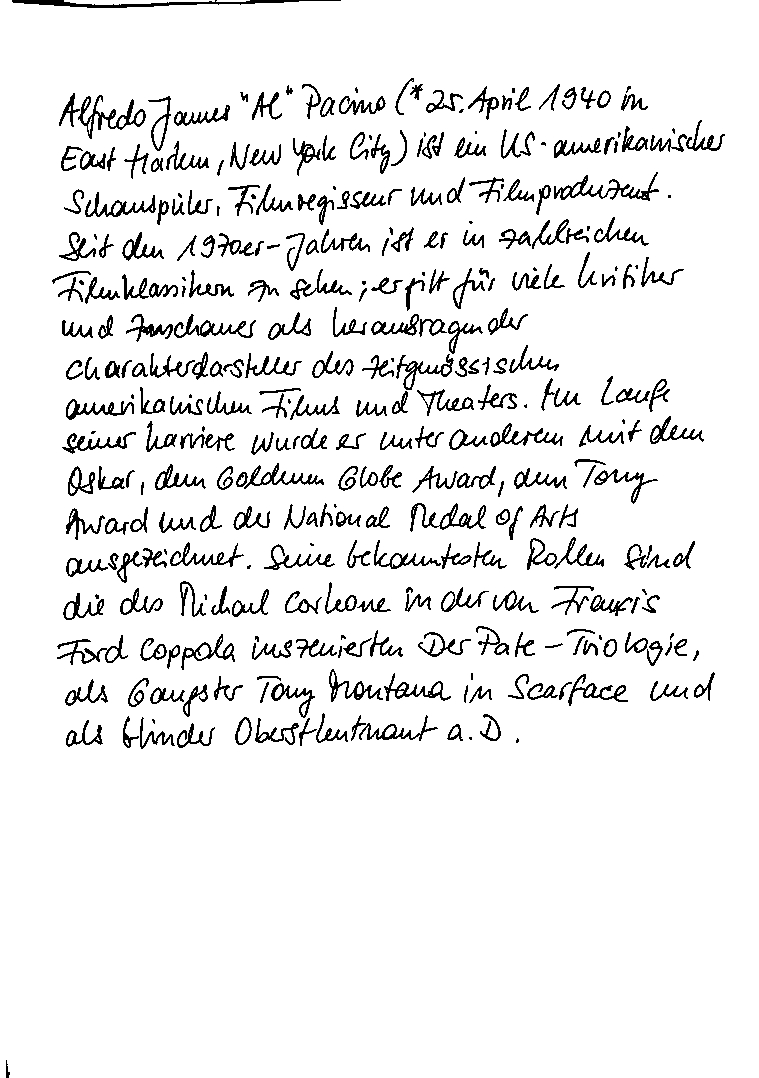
Alfredo James "Al" Pacino (* 25. April 1940 in
East Harlem, New York City) ist ein US-amerikanischer
Schauspieler, Filmregisseur und Filmproduzent.
Seit den 1970er-Jahren ist er in zahlreichen
Filmklassikern zu sehen; er gilt für viele Kritiker
und Zuschauer als herausragender
Charakterdarsteller des zeitgenössischen
amerikanischen Films und Theaters. Im Laufe
seiner Karriere wurde er unter anderem mit dem
Oscar, dem Golden Globe Award, dem Tony
Award und der National Medal of Arts
ausgezeichnet. Seine bekanntesten Rollen sind
die des Michael Corleone in der von Francis
Ford Coppola inszenierten Der Pate-Trilogie,
als Gangster Tony Montana in Scarface und
als blinder Oberstleutnant a. D.
